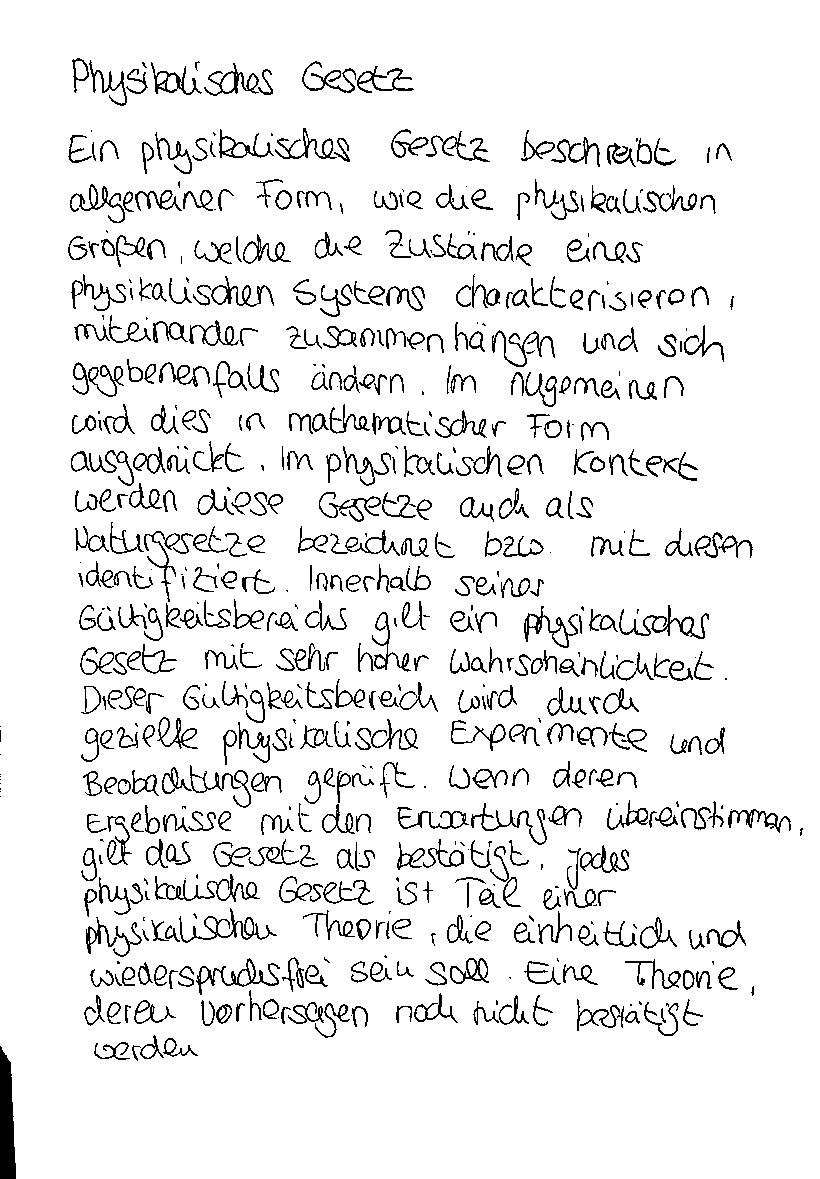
Physikalisches Gesetz
Ein physikalisches Gesetz beschreibt in
allgemeiner Form, wie die physikalischen
Größen, welche die Zustände eines
physikalischen Systems charakterisieren,
miteinander zusammenhängen und sich
gegebenenfalls ändern. Im Allgemeinen
wird dies in mathematischer Form
ausgedrückt. Im physikalischen Kontext
werden diese Gesetze auch als
Naturgesetze bezeichnet bzw. mit diesen
identifiziert. Innerhalb seines
Gültigkeitsbereichs gilt ein physikalisches
Gesetz mit sehr hoher Wahrscheinlichkeit.
Dieser Gültigkeitsbereich wird durch
gezielte physikalische Experimente und
Beobachtungen geprüft. Wenn deren
Ergebnisse mit den Erwartungen übereinstimmen,
gilt das Gesetz als bestätigt. Jedes
physikalische Gesetz ist Teil einer
physikalischen Theorie, die einheitlich und
widerspruchsfrei sein soll. Eine Theorie,
deren Vorhersagen noch nicht bestätigt
werden
